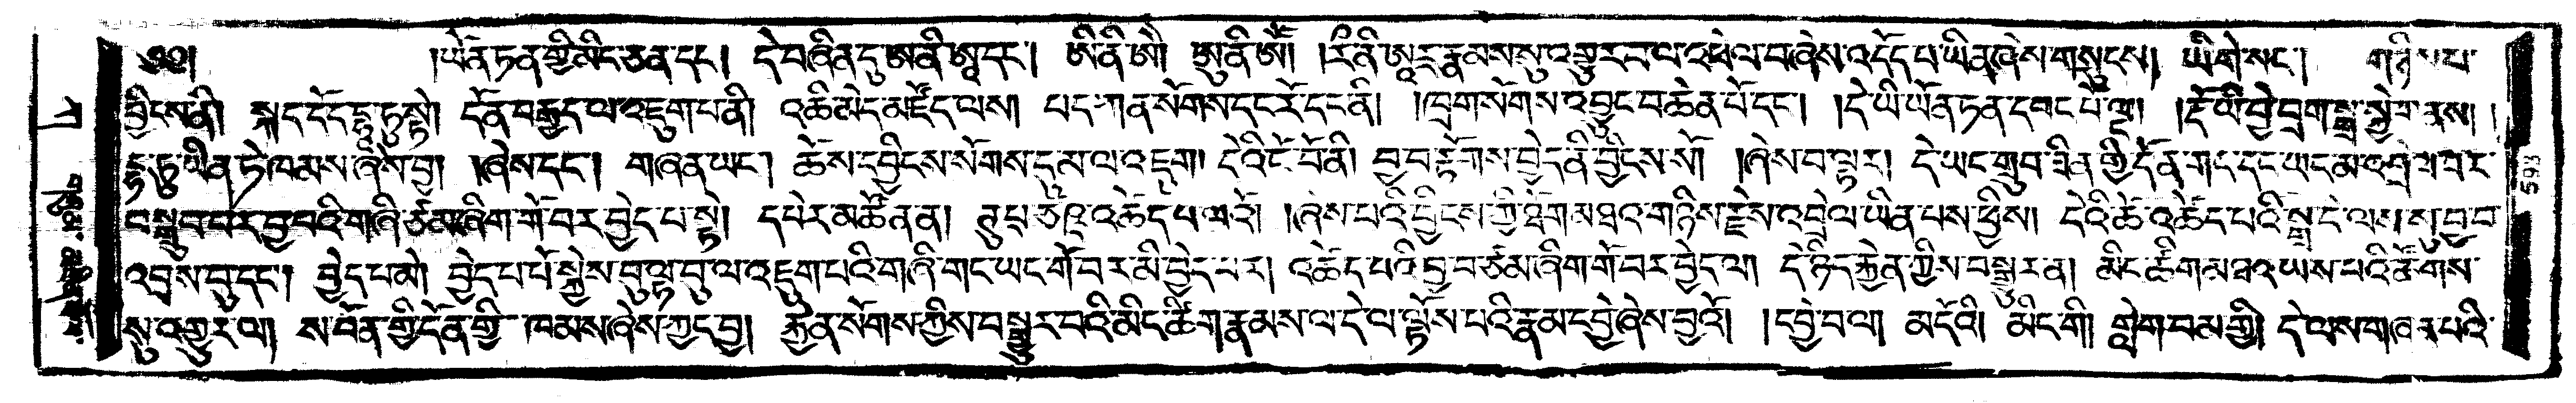༄༅། །ཡོན་ཏན་གྱི་མིང་ཅན་དང་། དེ་བཞིན་དུ་ཨ་ནི་ཨཱ་དང་། ཨི་ནི་ཨཻ། ཨུ་ནི་ཨཽ། །རྀ་ནི་ཨཱརུ་རྣམས་སུ་འགྱུར་པ་ལ་འཕེལ་བཞེས་འདོད་པ་ཡིན་ཞེས་གསུངས། ཡི་གེ་སང་། གཉིས་པ་
བྱིངས་ནི། སྐད་དོན་དྷཱ་ཏུ་སྟེ། དོན་བརྒྱད་ལ་འཇུག་པ་ནི། འཆི་མེད་མཛོད་ལས། པད་ཀན་སོགས་དང་རོ་དང་ནི། །ཁྲག་སོགས་འབྱུང་བ་ཆེན་པོ་དང་། །དེ་ཡི་ཡོན་ཏན་དབང་པོ་ལྔ། །རྡོ་ཡི་བྱེ་བྲག་སྒྲ་སྐྱེ་བ་ནས། །
དྷ་ཏུ་ཡིན་ཏེ་ཁམས་ཞེས་བྱ། །ཞེས་དང་། གཞན་ཡང་། ཆོས་དབྱིངས་སོགས་དུ་མ་ལ་འཇུག །དེའི་ངོ་བོ་ནི། བྱ་བརྟོགས་བྱེད་ནི་དབྱིངས་སོ། །ཞེས་བ་ལྟར། དེ་ཡང་གྲུབ་ཟིན་གྱི་དོན་གང་དང་ཡང་མ་འགྲེལ?་བར་
བསྒྲུབ་པར་བྱ་བའི་གཞི་ཙམ་ཞིག་གོ་བར་བྱེད་པ་སྟེ། དཔེར་མཚོན་ན། ཊུ་པྲ་ཙཥ་འཚོད་པ་ལའོ། །ཞས་པའི་བྱིངས་ཀྱི་ཐོག་མཐའ་གཉིས་རྗེས་འབྲེལ་ཡིན་པས་ཕྱིས། དེའི་ཚེ་འཚོང་པའི་སྒྲོ་ང་ལས་སུ་བྱ་བ་
འབྲས་བུ་དང་། བྱེད་པ་མེ། བྱེད་པ་པོ་སྐྱེས་བུ་ལྟ་བུ་ལ་འཇུག་པའི་གཞི་གང་ཡང་གོ་བར་མི་བྱེད་པར། འཚེད་པའི་དྱ་བ་ཙམ་ཞིག་གོ་བར་བྱེད་ལ། དེ་ཉིད་རྐྱེན་ཀྱིས་བསྒྱུར་ན། མིང་ཚིག་མཐའ་ཡས་པའི་ཚོགས་
སུ་འགྱུར་ལ། ས་བོན་གྱི་དོན་གྱི་ཁམས་ཞེས་ཀྱང་བྱ། རྐྱེན་སོགས་ཀྱིས་བསྒྱུར་བའི་མིང་ཚིག་རྣམས་ལ་དེ་ལ་ལྟོས་པའི་རྣམ་དབྱེ་ཞེས་བྱའོ། །དབྱེ་བ་ལ། མདོའི། མིང་གི། གླེག་བམ་གྱི། དེ་ལས་གཞན་པའི་